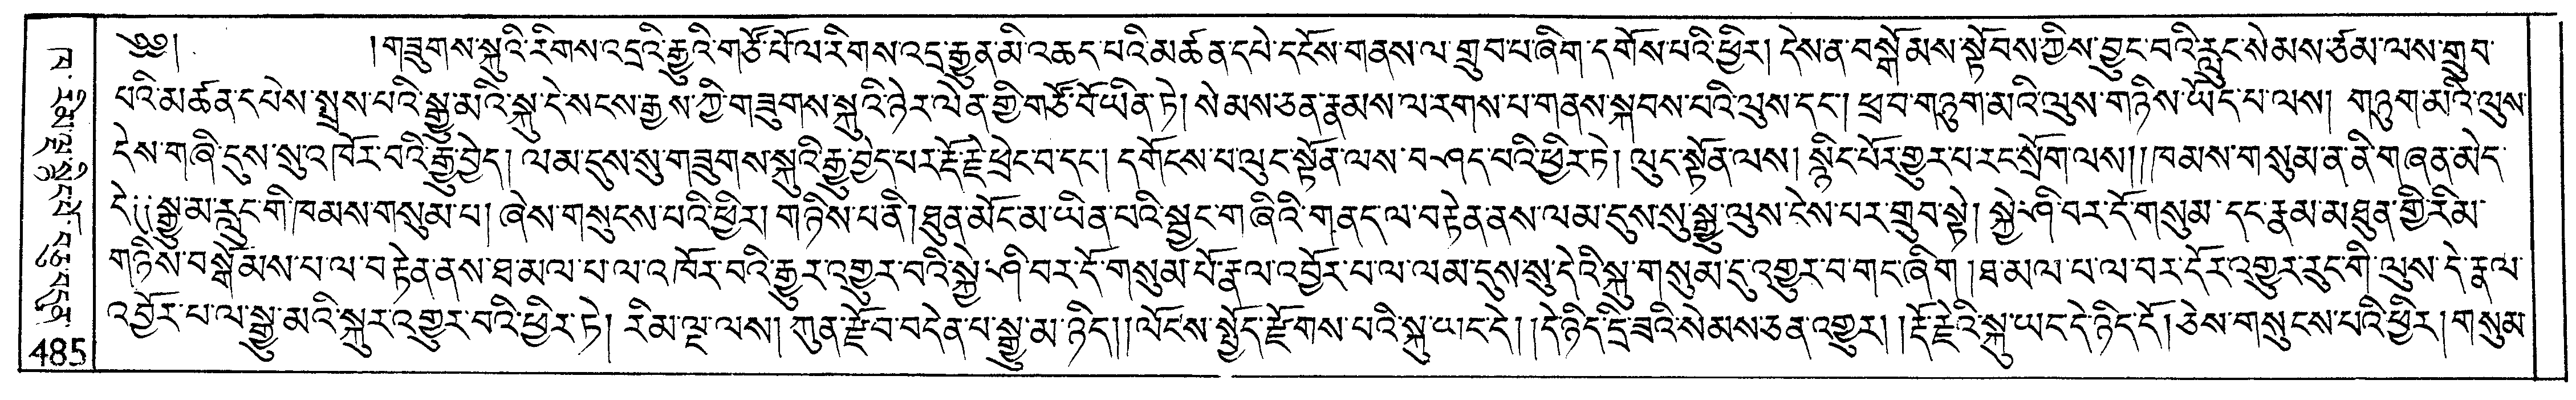༄༅། །གཟུགས་སྐུའི་རིགས་འདྲའི་རྒྱུའི་གཙོ་བོ་ལ་རིགས་འདྲ་རྒྱུན་མི་འཆད་པའི་མཚན་དཔེ་དངོས་གནས་ལ་གྲུབ་པ་ཞིག་དགོས་པའི་ཕྱིར། དེས་ན་བསྒོམས་སྟོབས་ཀྱིས་བྱུང་བའི་རླུང་སེམས་ཙམ་ལས་གྲུབ་
པའི་མཚན་དཔེས་སྤྲས་པའི་སྒྱུ་མའི་སྐུ་དེ་སངས་རྒྱས་ཀྱི་གཟུགས་སྐུའི་ཉེར་ལེན་གྱི་གཙོ་བོ་ཡིན་ཏེ། སེམས་ཅན་རྣམས་ལ་རགས་པ་གནས་སྐབས་པའི་ལུས་དང་། ཕྲ་བ་གཉུག་མའི་ལུས་གཉིས་ཡོད་པ་ལས། གཉུག་མའི་ལུས་
དེས་གཞི་དུས་སུ་འཁོར་བའི་རྒྱུ་བྱེད། ལམ་དུས་སུ་གཟུགས་སྐུའི་རྒྱུ་བྱེད་པར་རྡོ་རྗེ་ཕྲེང་བ་དང་། དགོངས་པ་ལུང་སྟོན་ལས་བཤད་པའི་ཕྱིར་ཏེ། ལུང་སྟོན་ལས། སྙིང་པོར་གྱུར་པ་རང་སྲོག་ལས། །ཁམས་གསུམ་ན་ནི་གཞན་མེད་
དེ༑ ༑སྒྱུ་མ་རླུང་གི་ཁམས་གསུམ་པ། ཞེས་གསུངས་པའི་ཕྱིར། གཉིས་པ་ནི། ཐུན་མོང་མ་ཡིན་པའི་སྦྱང་གཞིའི་གནད་ལ་བརྟེན་ནས་ལམ་དུས་སུ་སྒྱུ་ལུས་ངེས་པར་གྲུབ་སྟེ། སྐྱེ་ཤི་བར་དོ་གསུམ་དང་རྣམ་མཐུན་གྱི་རིམ་
གཉིས་བསྒོམས་པ་ལ་བརྟེན་ནས་ཐ་མལ་པ་ལ་འཁོར་བའི་རྒྱུར་འགྱུར་བའི་སྐྱེ་ཤི་བར་དོ་གསུམ་པོ་རྣལ་འབྱོར་པ་ལ་ལམ་དུས་སུ་དེའི་སྐུ་གསུམ་དུ་འགྱུར་བ་གང་ཞིག །ཐ་མལ་པ་ལ་བར་དོར་འགྱུར་རུང་གི་ལུས་དེ་རྣལ་འབྱོར་པ་ལ་སྒྱུ་མའི་སྐུར་འགྱུར་བའི་ཕྱིར་ཏེ། རིམ་ལྔ་ལས། ཀུན་རྫོབ་བདེན་པ་སྒྱུ་མ་ཉིད། །ལོངས་སྤྱོད་རྫོགས་པའི་སྐུ་ཡང་དེ། །དེ་ཉིད་དྲི་ཟའི་སེམས་ཅན་འགྱུར། །རྡོ་རྗེའི་སྐུ་ཡང་དེ་ཉིད་དོ། ཅེས་གསུངས་པའི་ཕྱིར། གསུམ་